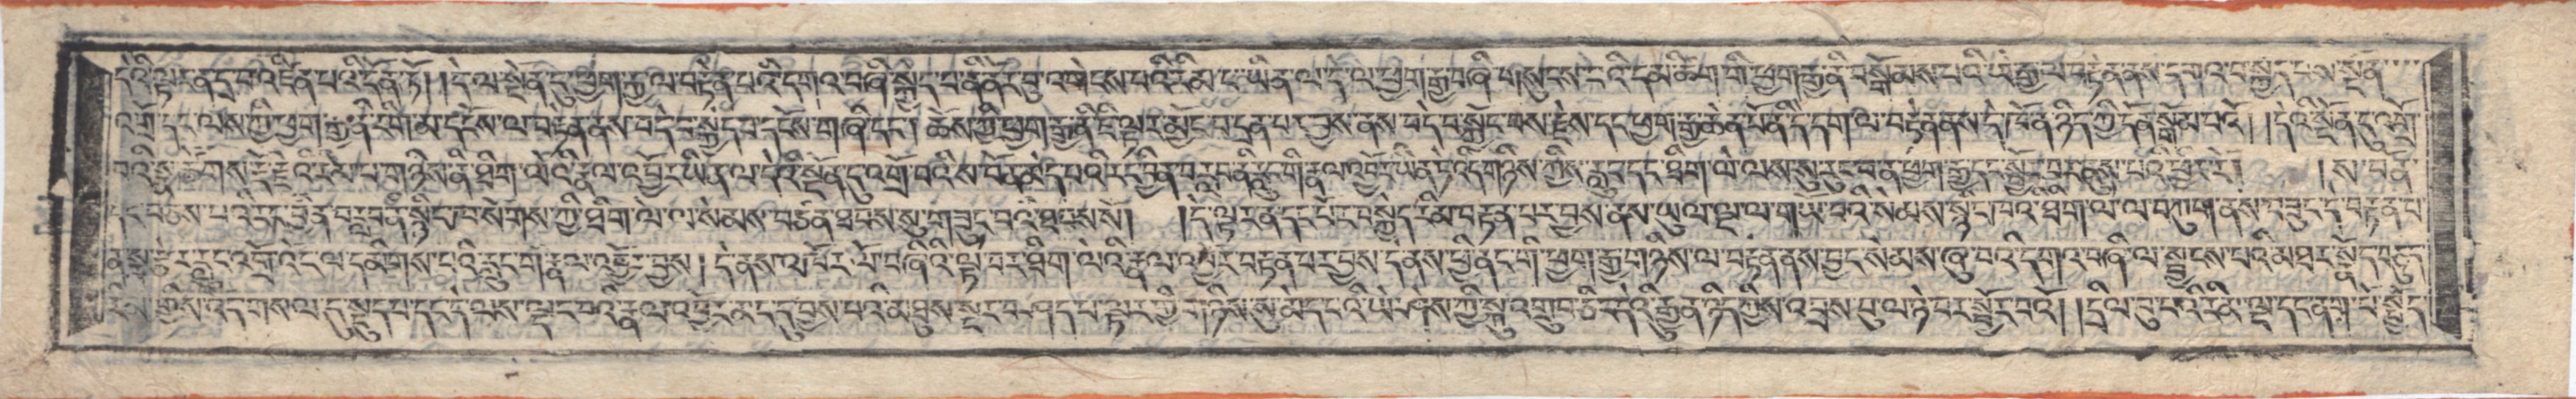དེའི་ལྟར་ན་དྲ་བ་འཛིན་པའི་དོན་ཏོ། །དེ་ལ་སྔོན་དུ་ཕྱག་རྒྱ་ལ་བརྟེན་པའི་དགའ་བཞི་སྐྱེད་པ་ནི་ནོར་བུ་འགེངས་པའི་རིམ་པ་ཡིན་ལ་དེ་ལ་ཕྱག་རྒྱ་བཞི་གསུངས་པའི་དམ་ཚིག་གི་ཕྱག་རྒྱ་ནི་བསྒོམས་པའི་ཡེ་རྒྱ་ལ་བརྟེན་ནས་དགའ་བ་སྐྱེད་པས་སྔོན་
འགྲོ་དང་ལས་ཀྱི་ཕྱག་རྒྱ་ནི་རིག་མ་དངོས་ལ་བརྟེན་ནས་བདེ་བ་སྐྱེད་པ་དངོས་གཞི་དང་། ཆོས་ཀྱི་ཕྱག་རྒྱ་ནི་ཇི་ལྟར་མྱོང་བ་དྲན་པར་བྱས་ནས་བདེ་བ་སྐྱོང་བས་རྗེས་དང་ཕྱག་རྒྱ་ཆེན་པོ་ནི་དེ་དག་ལ་བརྟེན་ནས་དེ་ཁོ་ན་ཉིད་ཀྱི་དོན་སྒོམ་པའོ། །དེའི་སྔོན་དུ་འགྲོ་
བའི་སྣ་ཚོགས་རྡོ་རྗེའི་རིམ་པ་གཉིས་ནི་ཐིག་ལེའི་རྣལ་འབྱོར་ཡིན་ལ་དེའི་སྔོན་དུ་འགྲོ་བའི་ས་བོན་མེད་པའི་རང་བྱིན་བརླབ་ནི་རླུང་གི་རྣལ་འབྱོར་ཡིན་ཏེ་འདི་གཉིས་ཀྱིས་རླུང་དང་ཐིག་ལེ་ལས་སུ་རུང་བ་ན་ཕྱག་རྒྱ་དང་སྦྱོར་བར་ནུས་པའི་ཕྱིར་རོ། །ས་བོན་
དང་བཅས་པའི་རང་བྱིན་བརླབ་ནི་སྙིང་ཁ་སོགས་ཀྱི་ཐིག་ལེ་ལ་སེམས་བཙན་ཐབས་སུ་གཟུང་བའི་ཐབས་སོ། །དེ་ལྟར་ན་དང་པོར་བསྐྱེད་རིམ་བརྟན་པར་བྱས་ནས་ཡུལ་ལྔ་ལ་གཡོ་བའི་སེམས་སྙིང་ཁའི་ཐིག་ལེ་ལ་བཀུག་ནས་བཟུང་དེ་བརྟན་
ན་སྣ་རྩེར་རླུང་འགྲོ་འོང་ལ་དམིགས་པའི་རླུང་གི་རྣལ་འབྱོར་བྱས། དེ་ནས་འཁོར་ལོ་བཞིའི་ལྟེ་བར་ཐིག་ལེའི་རྣལ་འབྱོར་བརྟན་པར་བྱས་དེ་ནས་ཕྱི་ནང་གི་ཕྱག་རྒྱ་གཉིས་ལ་བརྟེན་ནས་བྱང་སེམས་ཞུ་བའི་དགའ་བཞི་ལ་སྦྱངས་པའི་མཐར་སྣོད་བཅུད་
རིམ་གྱིས་འོད་གསལ་དུ་སྡུད་པ་དང་དེ་ལས་ལྡང་བའི་རྣལ་འབྱོར་མང་དུ་བྱས་པའི་མཐུས་སྔར་བཤད་པ་ལྟར་གྱི་གཉིས་སུ་མེད་པའི་ཡེ་ཤེས་ཀྱི་སྐུ་འགྲུབ་ཅིང་དེའི་རྒྱུན་ཉིད་ཀྱིས་འབྲས་བུ་ལ་ཉེ་བར་སྦྱོར་བའོ། །དྲིལ་བུ་པའི་རིམ་ལྔ་དང་ནག་པོ་སྤྱོད་